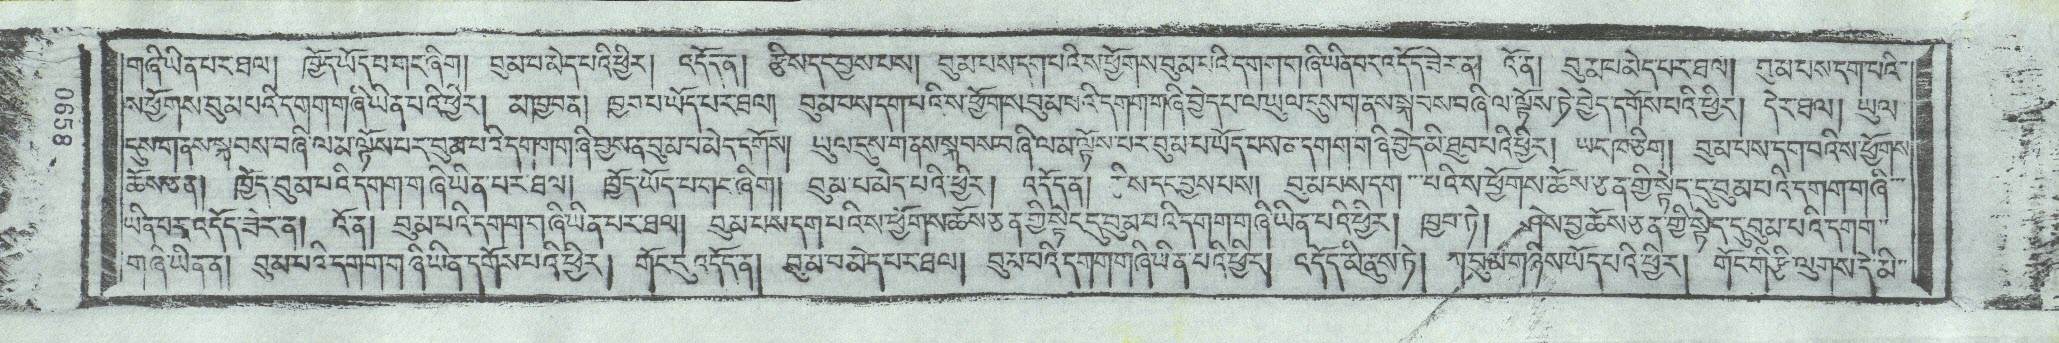གཞི་ཡིན་པར་ཐལ། ཁྱོད་ཡོད་པ་གང་ཞིག། བུམ་པ་མེད་པའི་ཕྱིར། འདོད་ན། རྩིས་དང་བྱས་པས། བུམ་པས་དག་པའི་ས་ཕྱོགས་བུམ་པའི་དགག་གཞི་ཡིན་བར་འདོད་ཟེར་ན། འོ་ན། བུམ་པ་མེད་པར་ཐལ། བུམ་པས་དག་པའི་
ས་ཕྱོགས་བུམ་པའི་དགག་གཞི་ཡིན་པའི་ཕྱིར། མ་ཁྱབ་ན། ཁྱབ་པ་ཡོད་པར་ཐལ། བུམ་པས་དག་པའི་ས་ཕྱོགས་བུམ་པའི་དགག་གཞི་བྱེད་པ་ལ་ཡུལ་དུས་གནས་སྐབས་བཞི་ལ་ལྟོས་ཏེ་བྱེད་དགོས་པའི་ཕྱིར། དེར་ཐལ། ཡུལ་
དུས་གནས་སྐབས་བཞི་ལ་མ་ལྟོས་པར་བུམ་པའི་དགག་གཞི་བྱས་ན་བུམ་པ་མེད་དགོས། ཡུལ་དུས་གནས་སྐབས་བཞི་ལམ་ལྟོས་པར་བུམ་པ་ཡོད་བས་ན་དགག་གཞི་བྱེད་མི་ཐུབ་པའི་ཕྱིར། ཡང་ཁ་ཅིག། བུམ་པས་དག་པའི་ས་ཕྱོགས་
ཆོས་ཅན། ཁྱོད་བུམ་པའི་དགག་གཞི་ཡིན་པར་ཐལ། ཁྱོད་ཡོད་པ་གང་ཞིག། བུམ་པ་མེད་པའི་ཕྱིར། འདོད་ན། ཅིས་དང་བྱས་པས། བུམ་པས་དག་པའི་ས་ཕྱོགས་ཆོས་ཅན་གྱི་སྟེང་དུ་བུམ་པའི་དགག་གཞི་
ཡིན་པར་འདོད་ཟེར་ན། འོ་ན། བུམ་པའི་དགག་གཞི་ཡིན་པར་ཐལ། བུམ་པས་དག་པའི་ས་ཕྱོགས་ཆོས་ཅན་གྱི་སྟེང་དུ་བུམ་པའི་དགག་གཞི་ཡིན་པའི་ཕྱིར། ཁྱབ་ཏེ། ཤེས་བྱ་ཆོས་ཅན་གྱི་སྟེང་དུ་བུམ་པའི་དགག་
གཞི་ཡིན་ན། བུམ་པའི་དགག་གཞི་ཡིན་དགོས་པའི་ཕྱིར། གོང་དུ་འདོད་ན། བུམ་བ་མེད་པར་ཐལ། བུམ་པའི་དགག་གཞི་ཡིན་པའི་ཕྱིར། འདོད་མི་ནུས་ཏེ། ཀ་བུམ་གཉིས་ཡོད་པའི་ཕྱིར། གོང་གི་རྩི་ལུགས་དེ་མི་